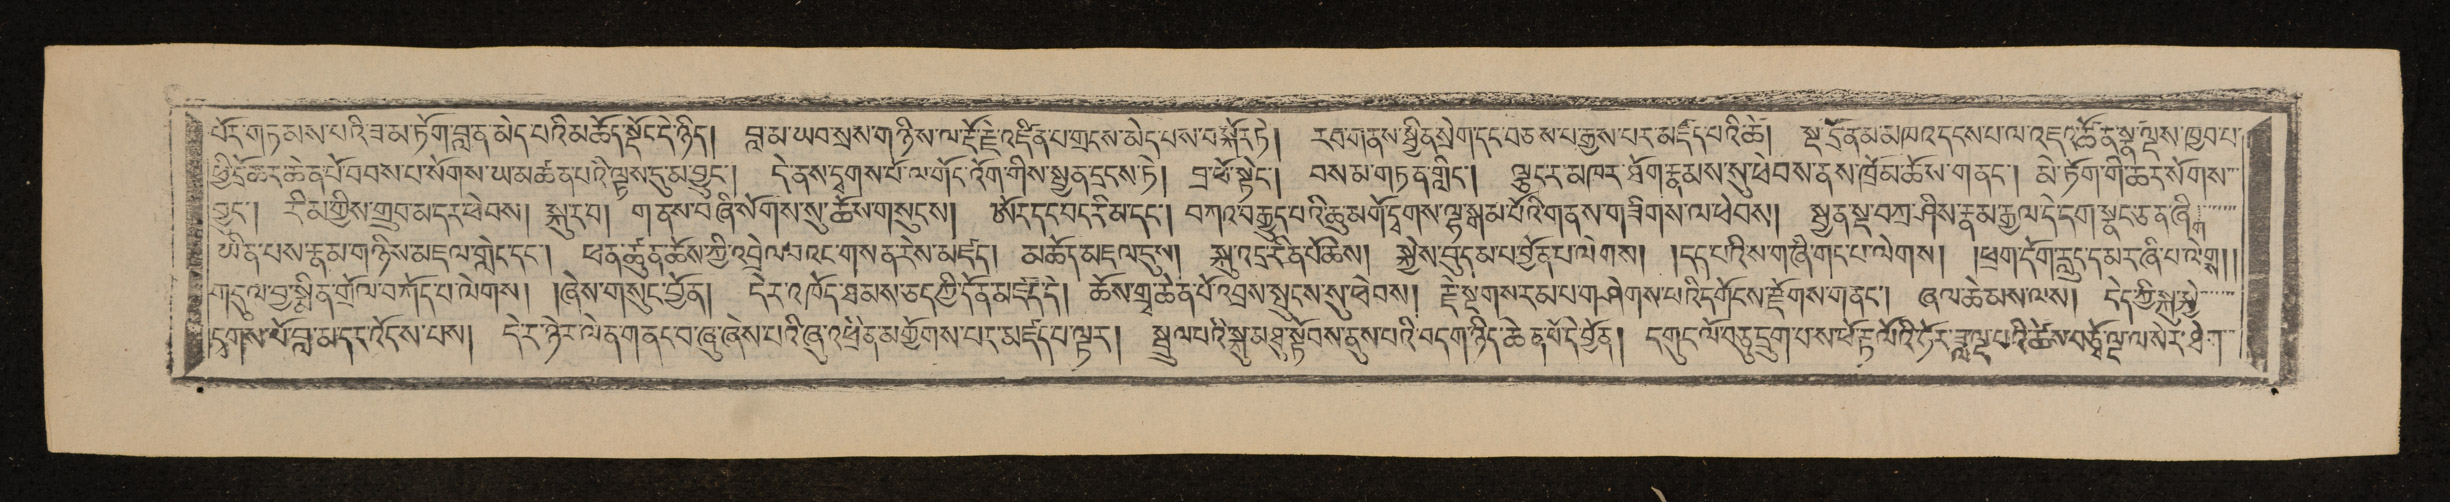པོར་གཏམས་པའི་ཟ་མ་ཏོག་བླ་ན་མེད་པའི་མཆོད་སྤོང་དེ་ཉིད། བླ་མ་ཡབ་སྲས་གཉིས་ལ་རྡོ་རྗེ་འཛིན་བ་གྲངས་མེད་པས་བསྐོར་ཏེ། རབ་གནས་སྦྱིན་སྲེག་དང་བཅས་པ་རྒྱས་པར་མཛད་པའི་ཚེ། སྔ་དྲོ་ནམ་མཁའ་དངས་པ་ལ་འཇའ་ཚོན་སྣ་ལྔས་ཁྱབ་པ་
ཕྱི་དྲོ་ཆར་ཆེན་པོ་བབས་པ་སོགས་ཡ་མཚན་པའི་ལྟས་དུ་མ་བྱུང་། དེ་ནས་དྭགས་པོ་ལ་གོང་འོག་གིས་སྤྱན་དྲངས་ཏེ། བྲ་ཕོ་སྟེང་། བསམ་གཏན་གླིང་། ལྕང་ར་མཁར་ཐོག་རྣམས་སུ་ཕེབས་ནས་ཁྲོམ་ཆོས་གནང་། མེ་ཏོག་གི་ཆར་སོགས་
བྱུང་། རིམ་གྱིས་གྲུབ་མདར་ཕེབས། སྐུར་བ། གནས་བཞི་སོགས་སུ་ཆོས་གསུངས། ཨོར་དང་བང་རིམ་དང་། བཀའ་བརྒྱུད་པའི་ཆུ་མགོ་དྭགས་ལྷ་སྒམ་པོའི་གནས་གཟིགས་ལ་ཕེབས། སྤྱན་སྔ་བཀྲ་ཤིས་རྣམ་རྒྱལ་དེ་དག་སྣང་ཅན་ཞིག་
ཡིན་པས་རྣམ་གཉིས་མཇལ་གླེང་དང་། ཕན་ཚུན་ཆོས་ཀྱི་འབྲེལ་བའང་གསན་རེས་མཛད། མཆོད་མཇལ་དུས། སྐུ་འདྲ་རིན་པོ་ཆེས། སྐྱེས་བུ་དམ་པ་བྱོན་པ་ལེགས། །དད་པའི་ས་གཞི་གང་པ་ལེགས། །ཕྲག་དོག་རླུང་དམར་ཞི་པ་ལེགས།།
གདུལ་བྱ་སྨིན་གྲོལ་བཀོད་པ་ལེགས། །ཞེས་གསུང་བྱོན། དེར་འཁོད་ཐམས་ཅད་ཀྱི་དོན་མཛད་དེ། ཆོས་གྲྭ་ཆེན་པོ་འབྲས་སྤུངས་སུ་ཕེབས། རྗེ་སྔགས་རམ་པ་གཤེགས་པའི་དགོངས་རྫོགས་གནང་། ཞལ་ཆེམས་ལས། ངེད་ཀྱི་སྐུ་སྐྱེ་
དྭགས་པོ་བླ་མདར་འོངས་པས། དེར་ཉེར་ལེན་གནང་བ་ཞུ་ཞེས་པའི་ཞུ་འཕྲིན་མགྱོགས་པར་མཛད་པ་ལྟར། སྤྲུལ་པའི་སྐུ་མཐུ་སྟོབས་ནུས་པའི་བདག་ཉིད་ཆེན་པོ་དེ་བྱོན། དགུང་ལོ་བཅུ་དྲུག་པས་ཕོ་རྟ་ལོའི་ཧོར་ཟླ་ལྔ་པའི་ཚེས་བཅྭོ་ལྔ་ལ་སེ་ར་ཐེག་